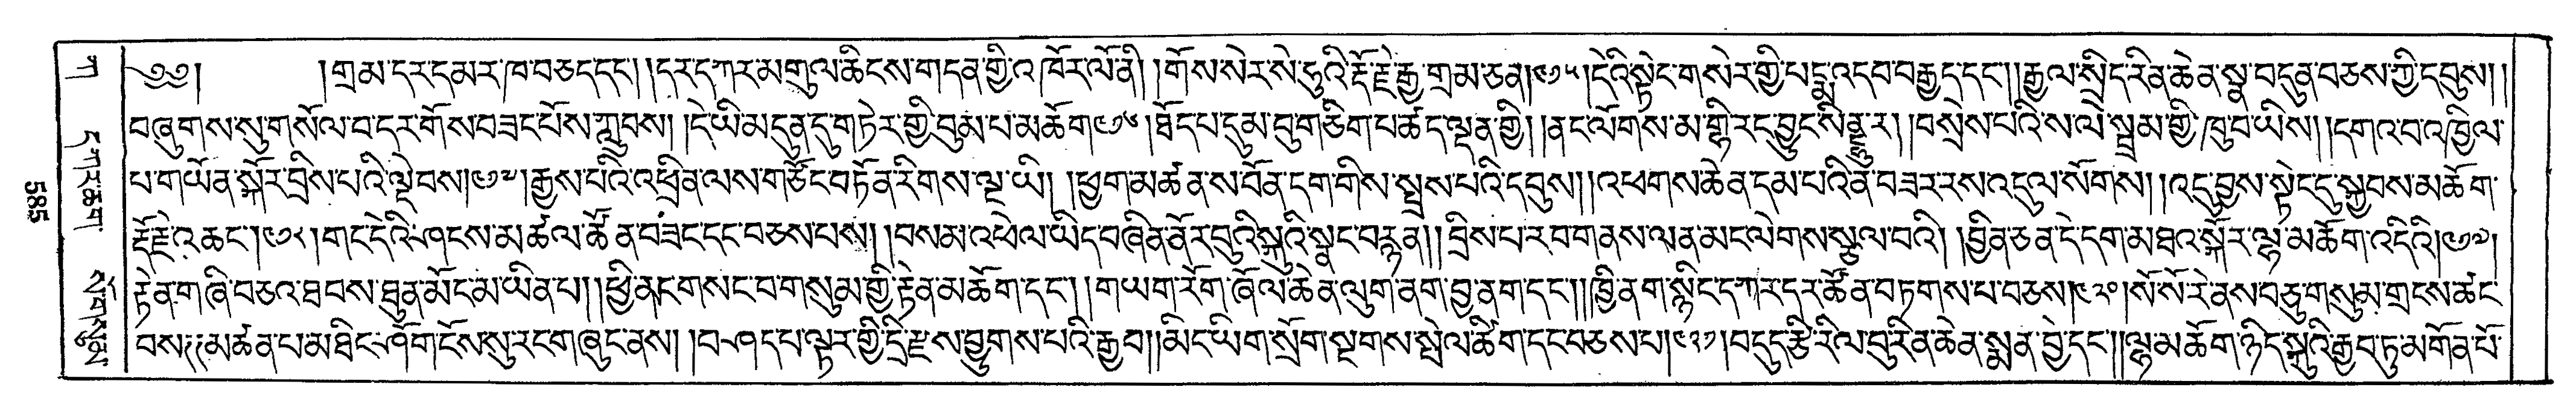༄༅། །གྲ་མ་དར་དམར་ཁ་བཅད་དང་། །དར་དཀར་མགུལ་ཆིངས་གདན་གྱི་འཁོར་ལོ་ནི། །གོས་སེར་སེ་ཧུའི་རྡོ་རྗེ་རྒྱ་གྲམ་ཅན། ༤༡༥་།དེའི་སྟེང་གསེར་གྱིས་པདམ་འདབ་བརྒྱད་དང་། རྒྱལ་སྲིད་རིན་ཆེན་སྣ་བདུན་བཅས་ཀྱི་དབུས། །
བཞུགས་སུ་གསོལ་པ་དར་གོས་བཟང་པོས་ཀླུབས། །དེ་ཡི་མདུན་དུ་གཏེར་གྱི་བུམ་པ་མཆོག ༤༡༦་།ཐོད་པ་དུམ་བུ་གཅིག་པ་ཚད་ལྡན་གྱི། །ནང་ལོགས་མ་གྷི་རང་བྱུང་སིནྡྷུ་ར། །བསྲེས་པའི་ས་ལེ་སྦྲམ་གྱི་ཁུ་བ་ཡིས། །དགའ་བ་འཁྱིལ་
པ་གཡོན་སྐོར་བྲིས་པའི་ལྡེབས། ༤༡༧་།རྒྱས་པའི་འཕྲིན་ལས་གཙོར་བཏོན་རིགས་ལྔ་ཡི། །ཕྱག་མཚན་ས་བོན་དག་གིས་སྤྲས་པའི་དབུས། །འཕགས་ཆེན་དམ་པའི་ན་བཟར་རས་འདུལ་སོགས། །འདུ་བྱས་སྟེང་དུ་སྐྱབས་མཆོག་
རྡོ་རྗེ་འཆང་། ༤༡༨་།གང་དེའི་ཤངས་མཚལ་ཚོན་བཟང་དང་བཅས་པས། །བསམ་འཕེལ་ཡིད་བཞིན་ནོར་བུའི་སྐུའི་སྣང་བརྙན། །བྲིས་པར་པ་གནས་ལན་མང་ལེགས་སྩལ་བའི། །བྱིན་ཅན་དེ་དག་མཐའ་སྐོར་ལྷ་མཆོག་འདིའི། ༤༡༧།
རྟེན་གཞི་བཅའ་ཐབས་ཐུན་མོང་མ་ཡིན་པ། །ཕྱི་ནང་གསང་བ་གསུམ་གྱི་རྟེན་མཆོག་དང་། །གཡག་རོག་ཞོལ་ཆེན་ལུག་ནག་བྱ་ནག་དང་། །ཁྱི་ནག་སྙིང་དཀར་དར་ཚོན་བཏགས་པ་བཅས། ༤༢༠་།སོ་སོ་རེ་ནས་བཅུ་གསུམ་གྲངས་ཚང་
བས༑ ༑མཚན་པ་མཐིང་ཤོག་ངོས་སུ་རང་གཞུང་ནས། །བཤད་པ་ལྟར་གྱི་དྲི་རྫས་བྱུགས་པའི་རྒྱབ། །མིང་ཡིག་སྲོག་སྔགས་སྤེལ་ཚིག་དང་བཅས་པ། ༤༢༡་།བདུད་རྩི་རིལ་བུ་རིན་ཆེན་སྨན་ཕྱེ་དང་། །ལྷ་མཆོག་ཉིད་སྐུའི་རྒྱབ་ཏུ་མགོན་པོ་